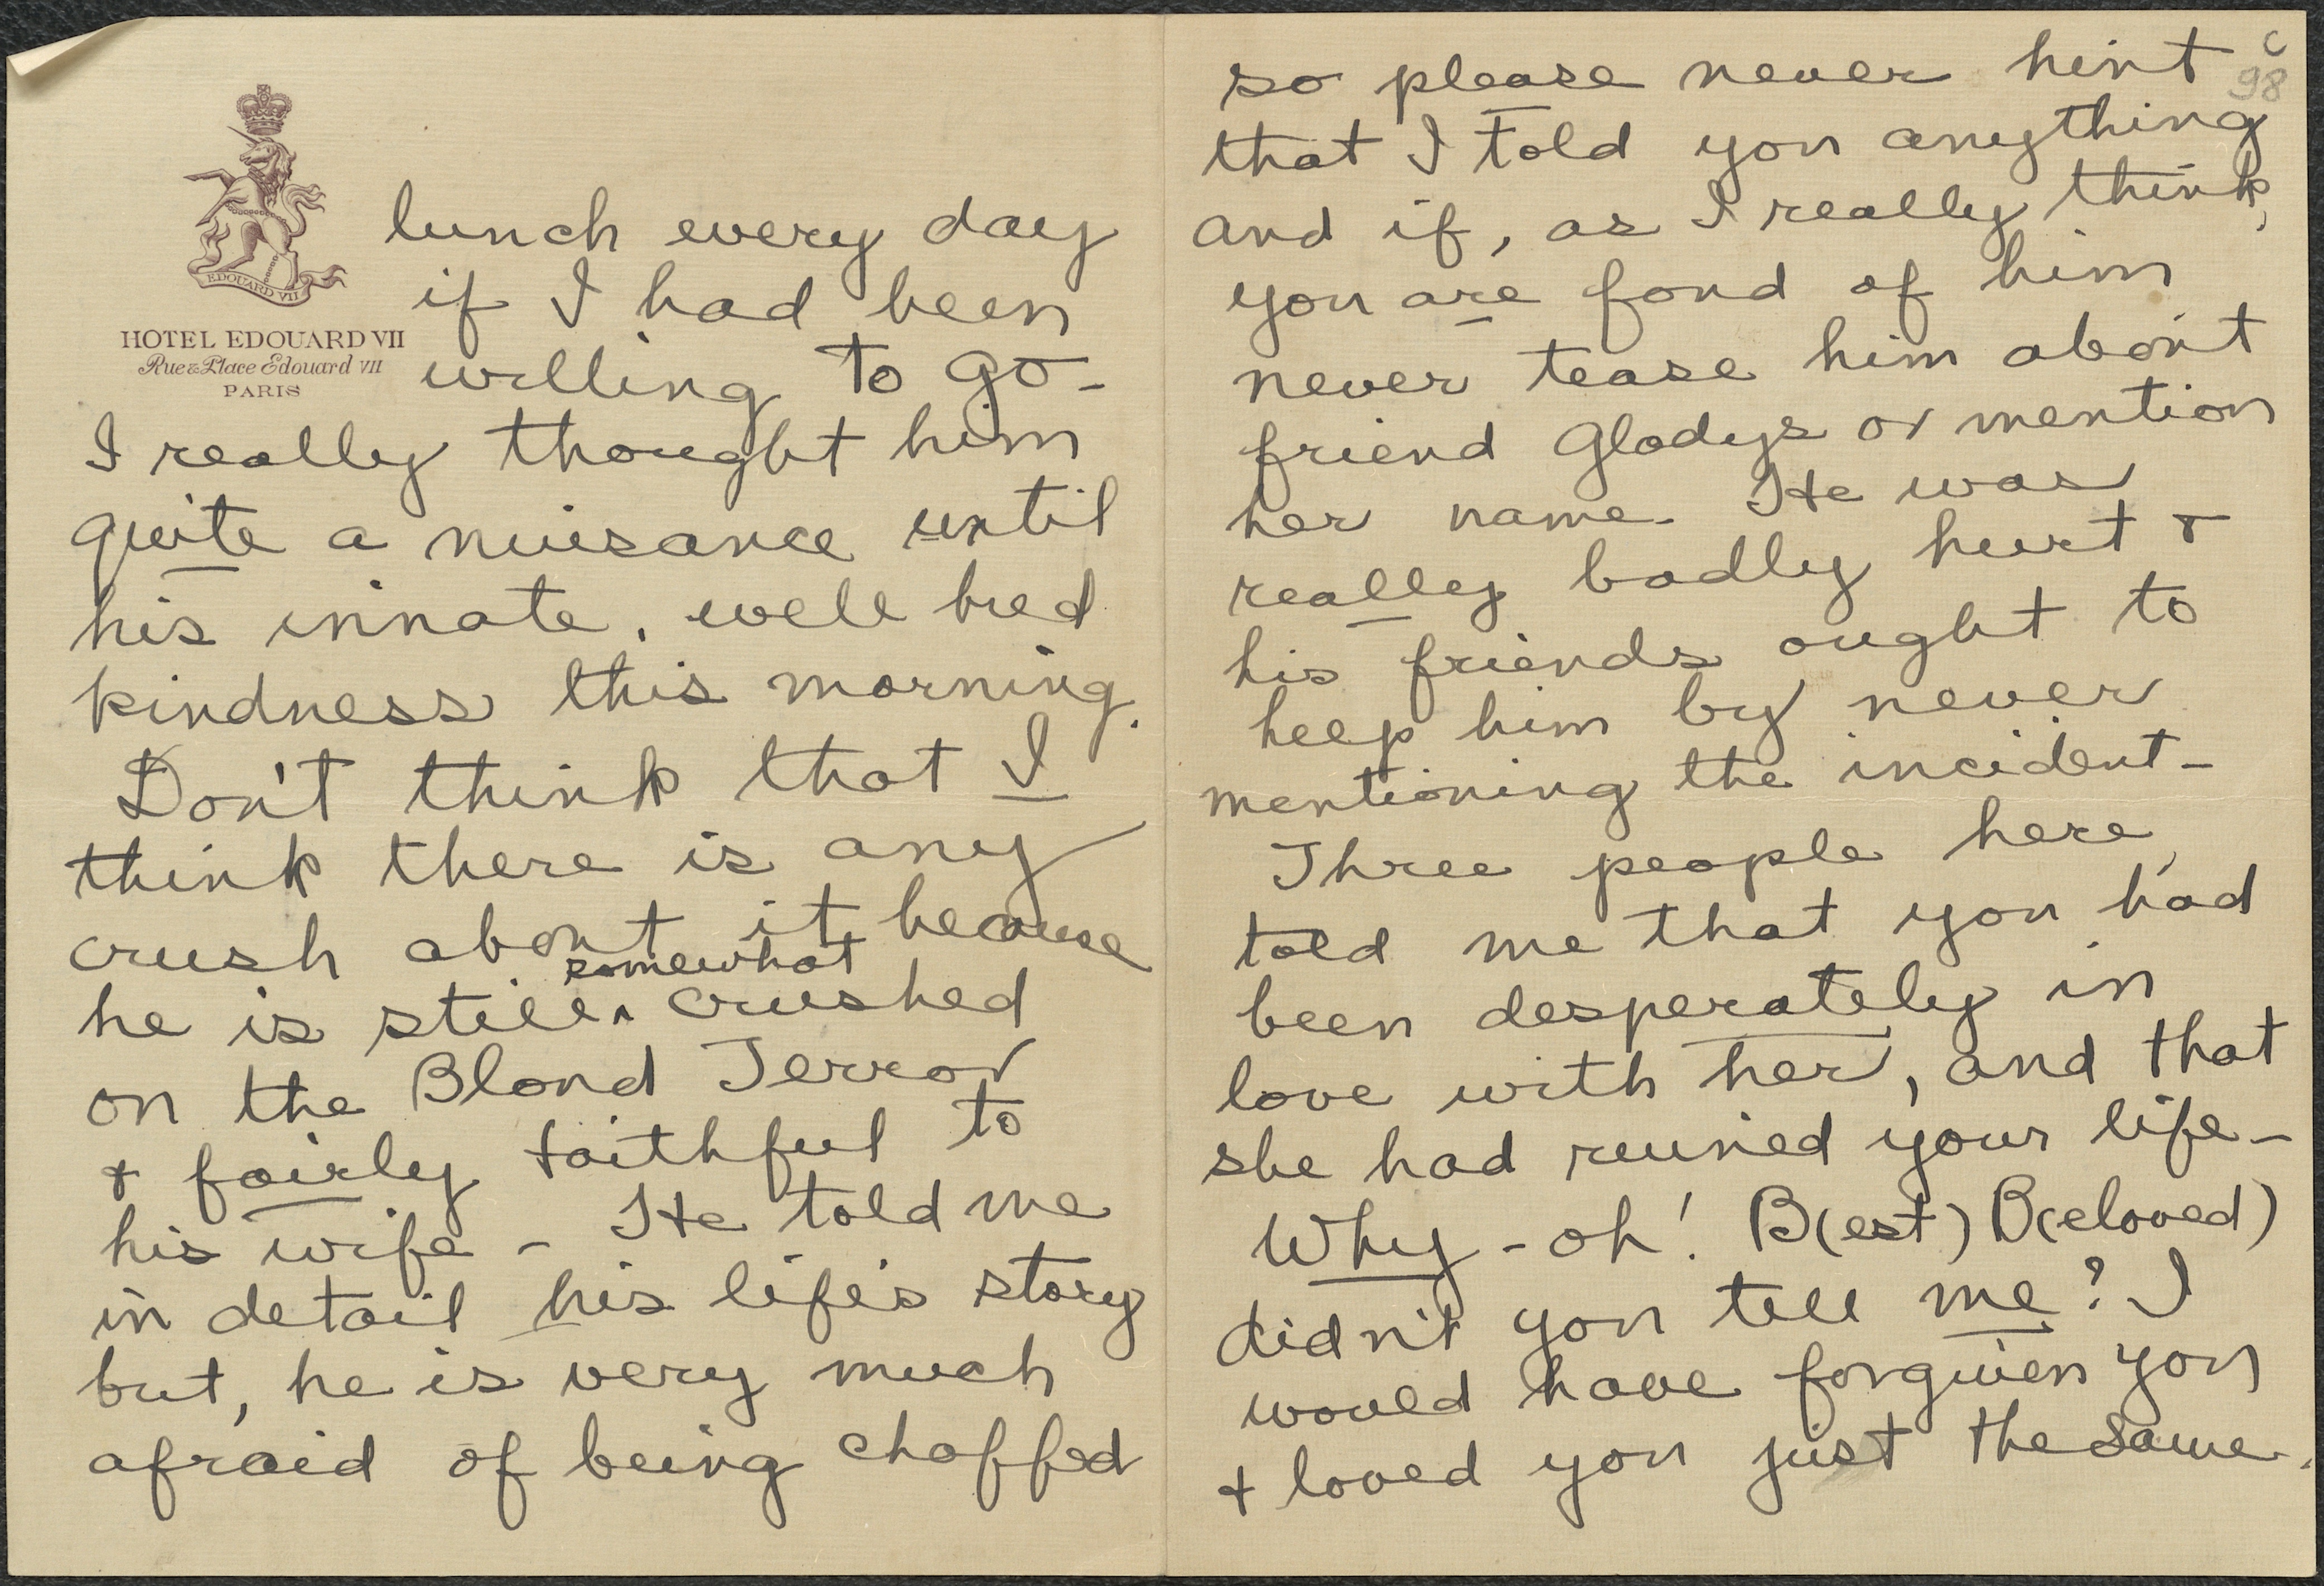lunch every day if I had been willing to go – I really thought him quite a nuisance until his innate, well bred kindness this morning.
Don’t think that I think there is any crush about it because he is still [^somewhat^] crushed on the Blond Terror & fairly faithful to his wife – He told me in detail his life’s story but, he is very much afraid of being chaffed
so please never hint that I told you anything and if, as I really think you are fond of him, never tease him about friend Gladys or mention her name. He was really badly hurt & his friends ought to help him by never mentioning the incident –
Three people here, told me that you had been desperately in love with her, and that she had ruined your life – Why – oh! B(est) B(eloved) didn’t you tell me? I would have forgiven you and loved you just the same.